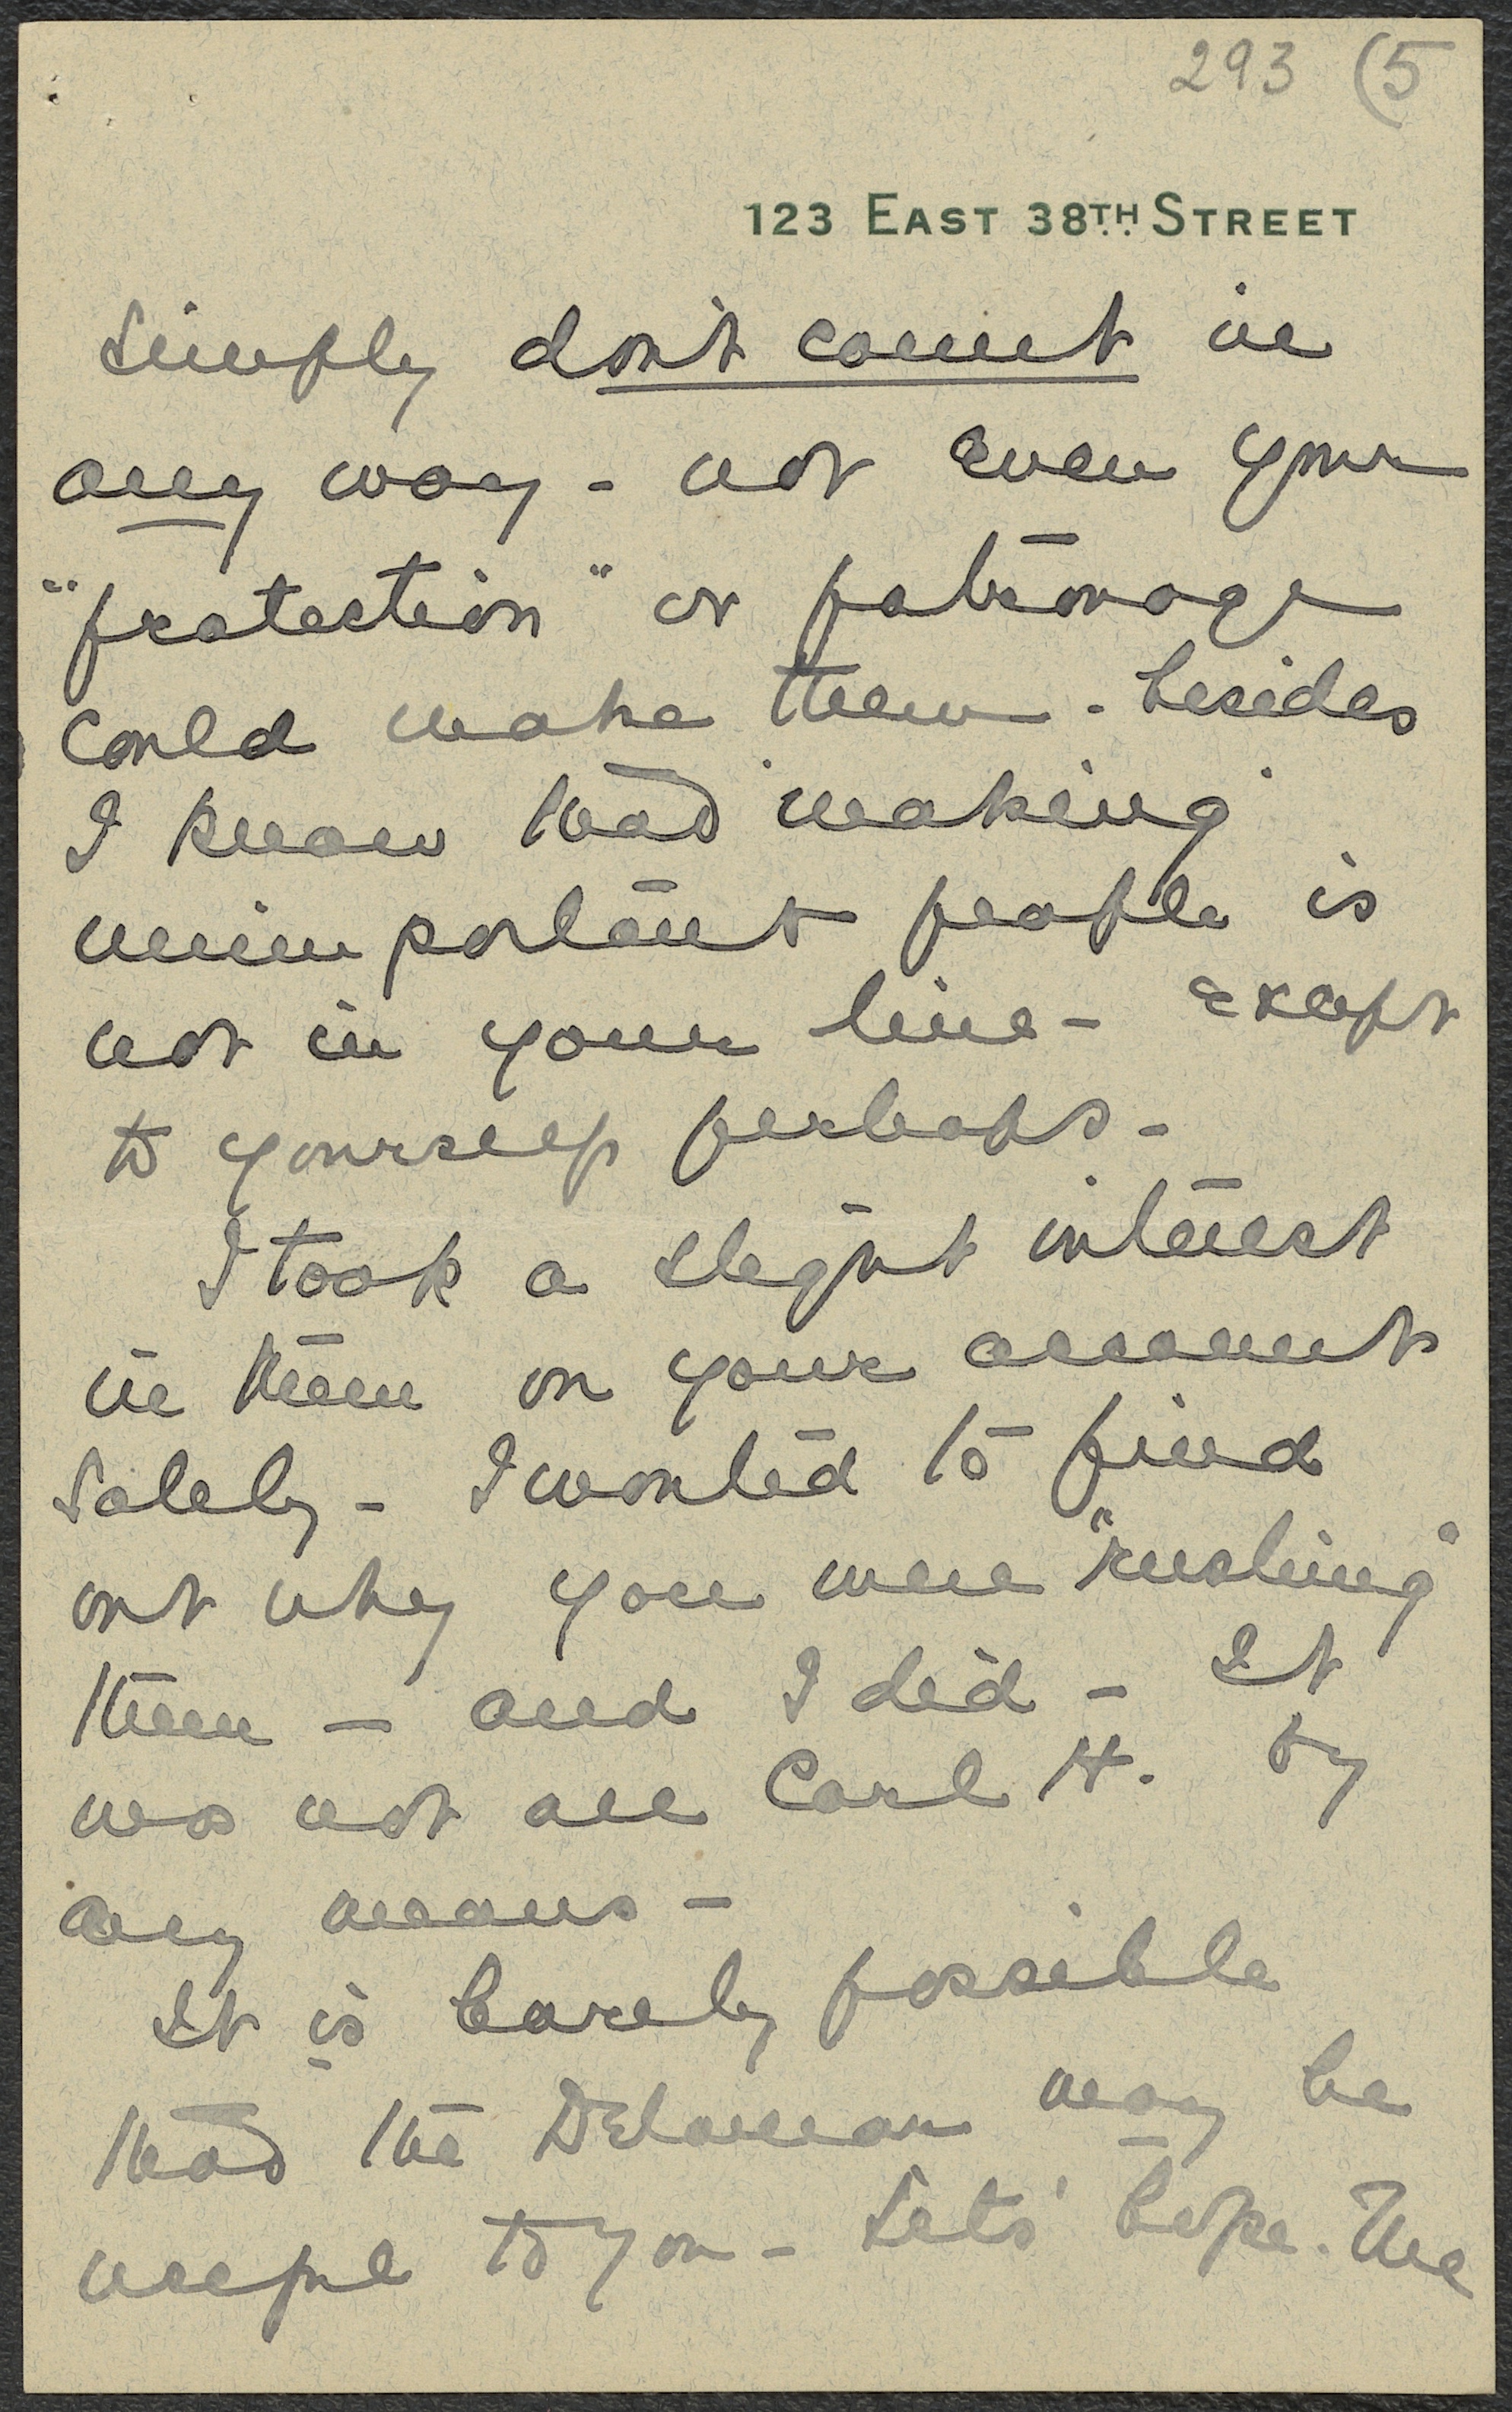simply don’t count in any way – not even your “protection” or patronage could make them – besides I know that ‘making’ unimportant people is not in your line – except to yourself perhaps – I took a slight interest in them on your account solely – I wanted to find out why you were “rushing” them – and I did – It was not all Carl H. by any means –
It is barely possible that the Delamar may be useful to you – Let’s hope. The